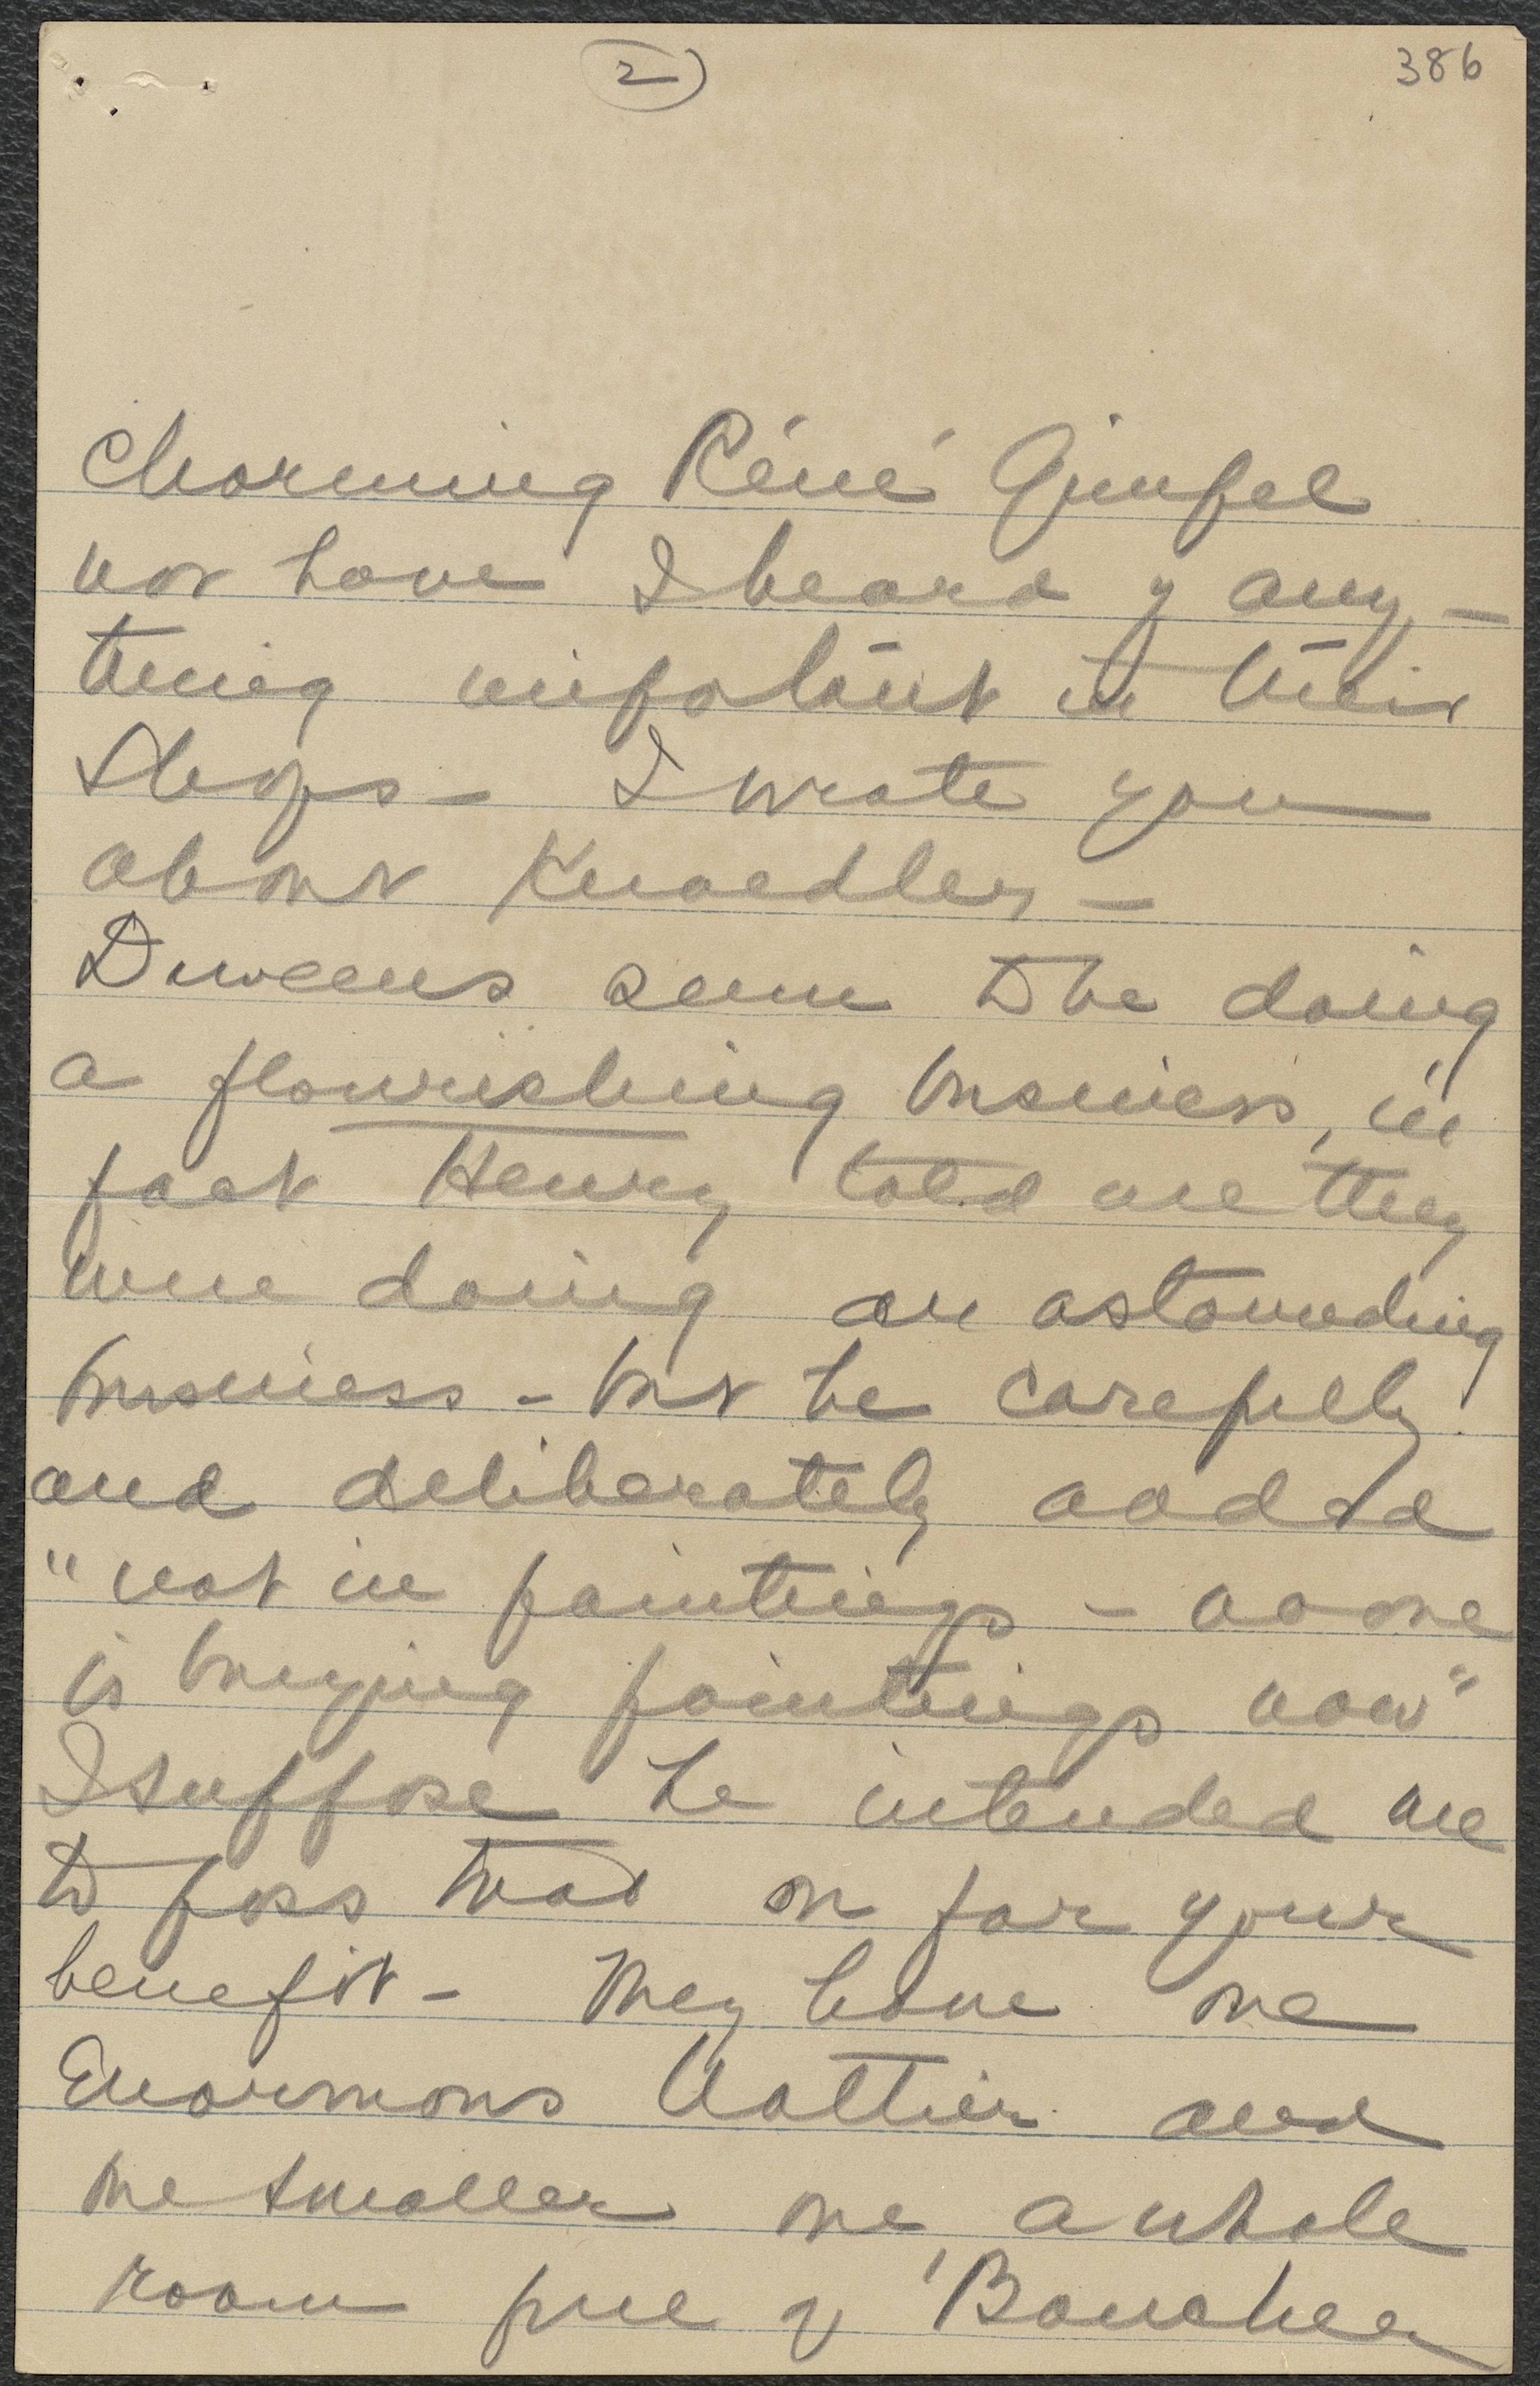charming Réné Gimpel nor have I heard of anything important in their shops – I wrote you about Knoedler – Duveens seem to be doing a flourishing business in fact Harvey told me they were doing an astounding business – but he carefully and deliberately added “not in paintings – no one is buying paintings now” I suppose he intended me to pass that on for your benefit – they have one enormous Naltier and one smaller one, a whole room full of Boucher